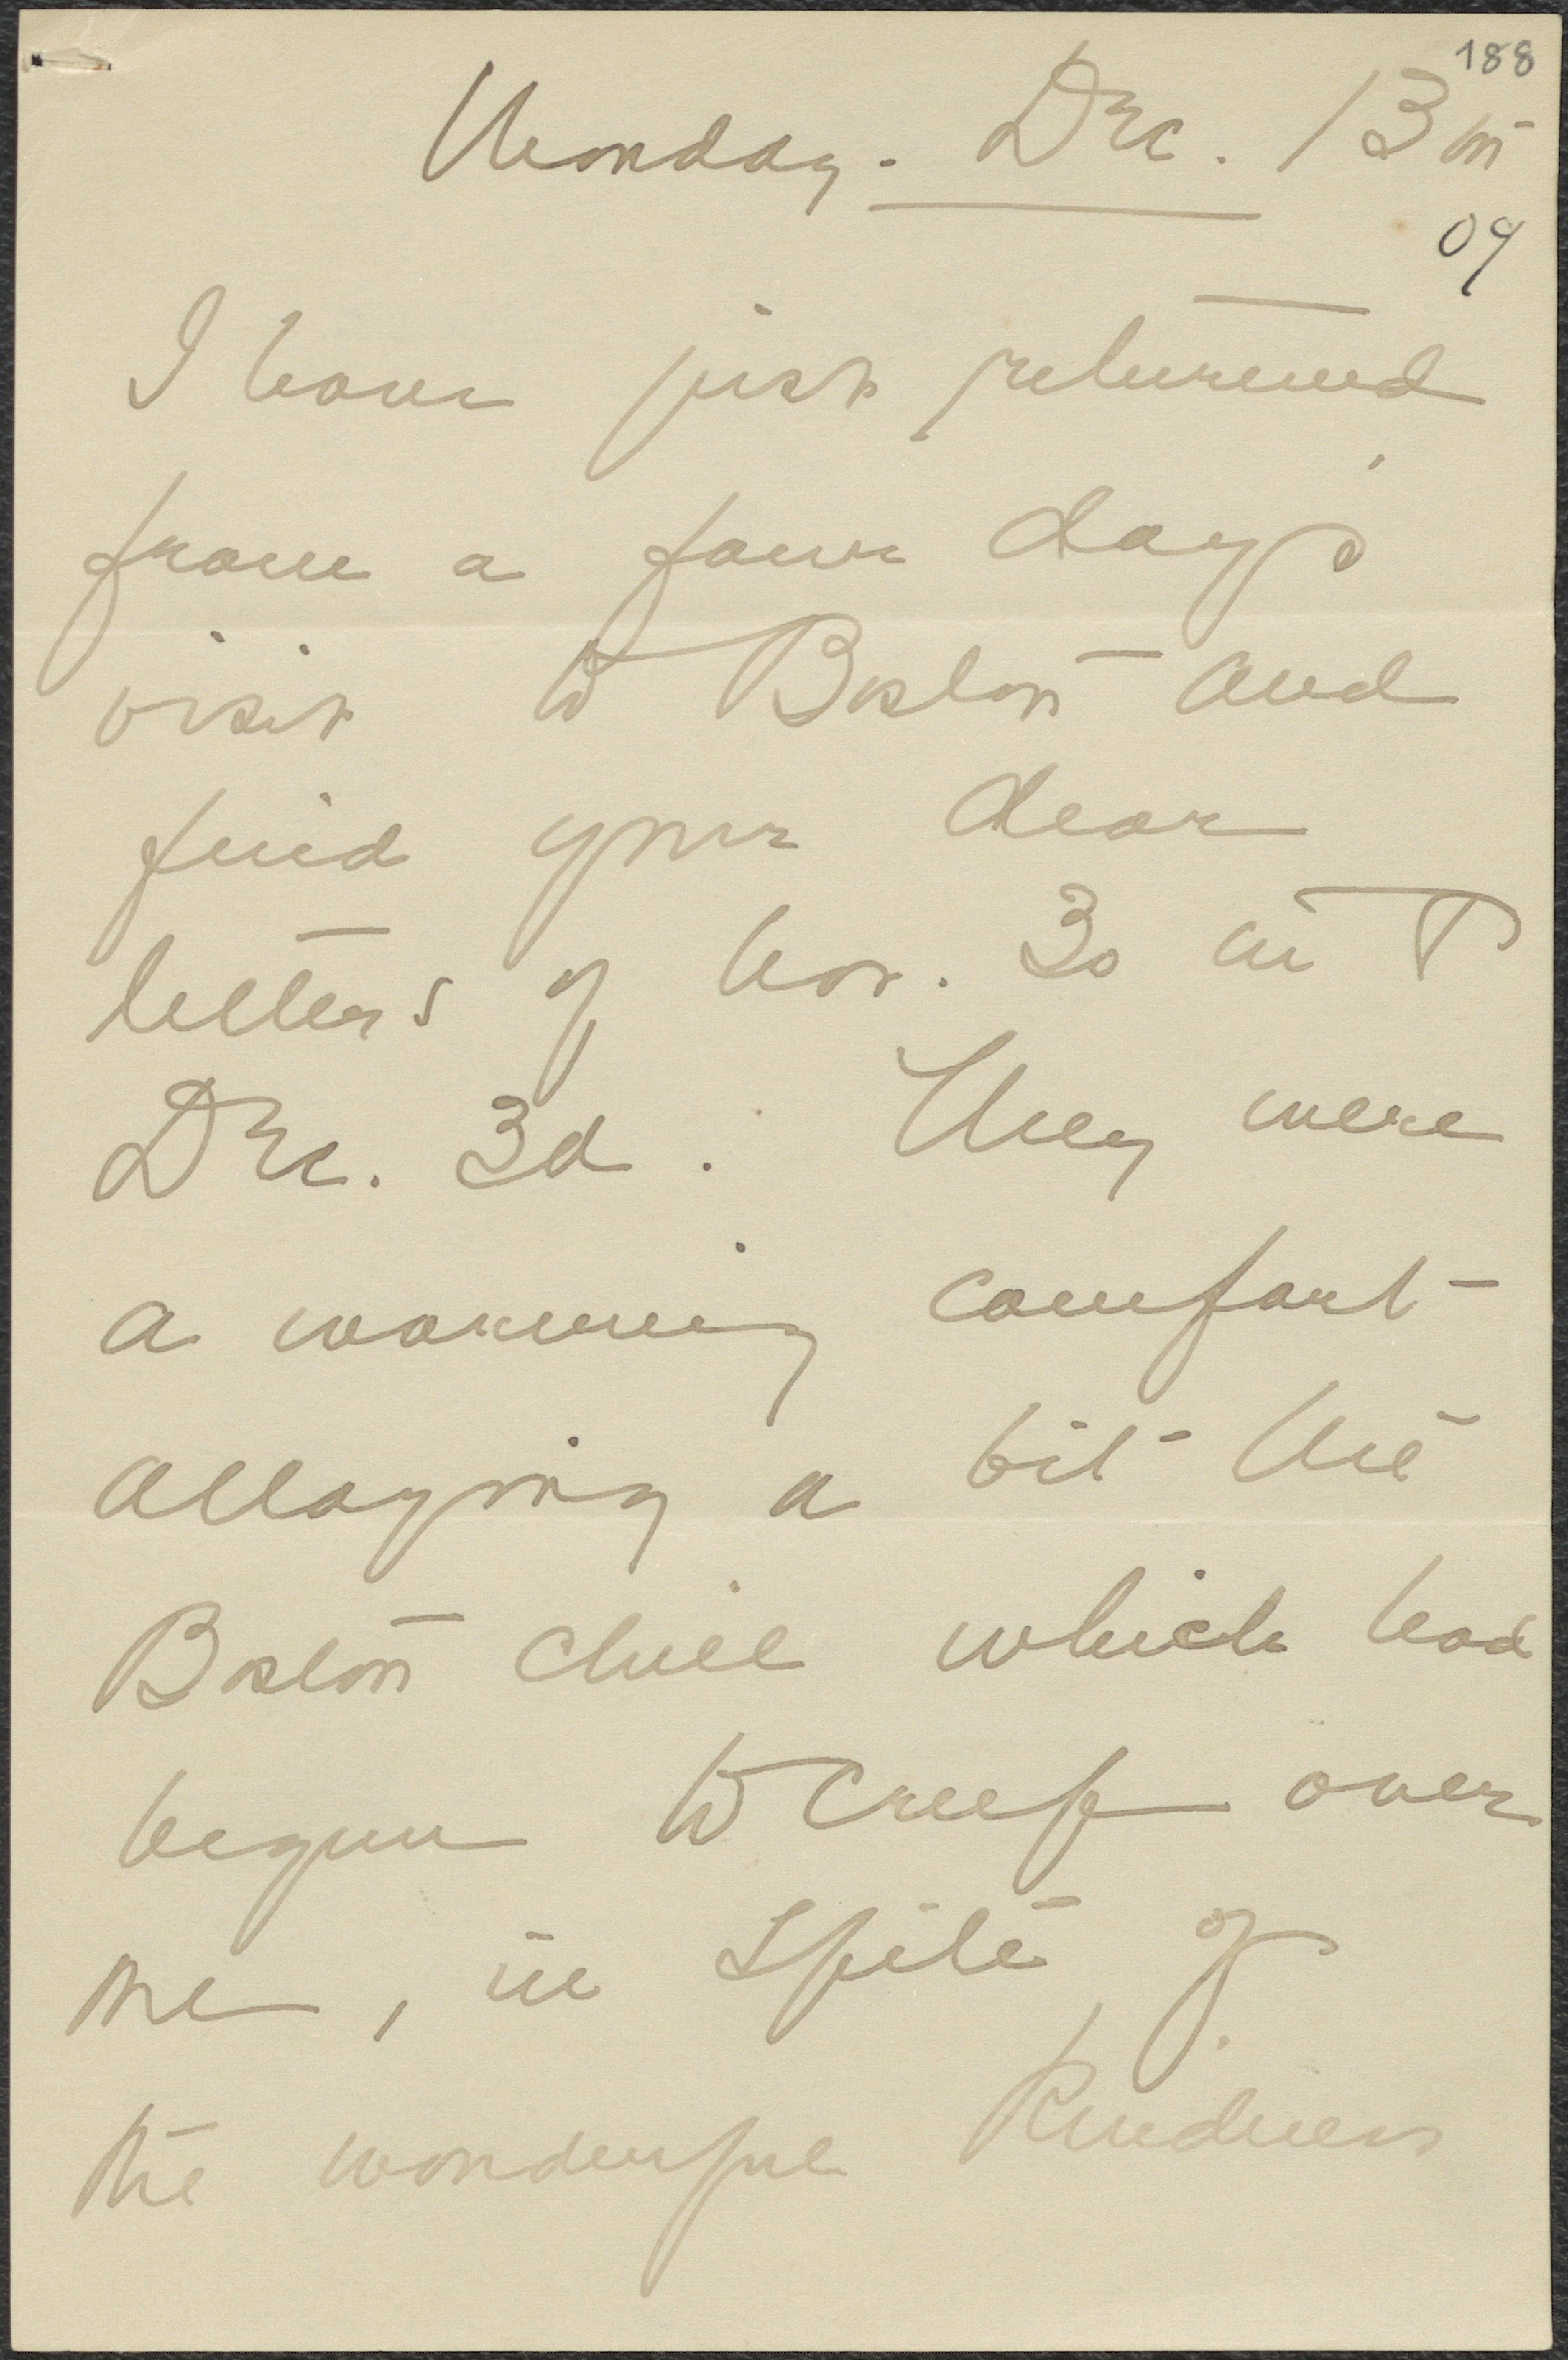Monday – Dec. 13th
I have just returned from a four days’ visit to Boston and find your dear letters of Nov. 30th & Dec. 3d. They were a warming comfort allaying a bit the Boston chill which had begun to creep over me, in spite of the wonderful kindness